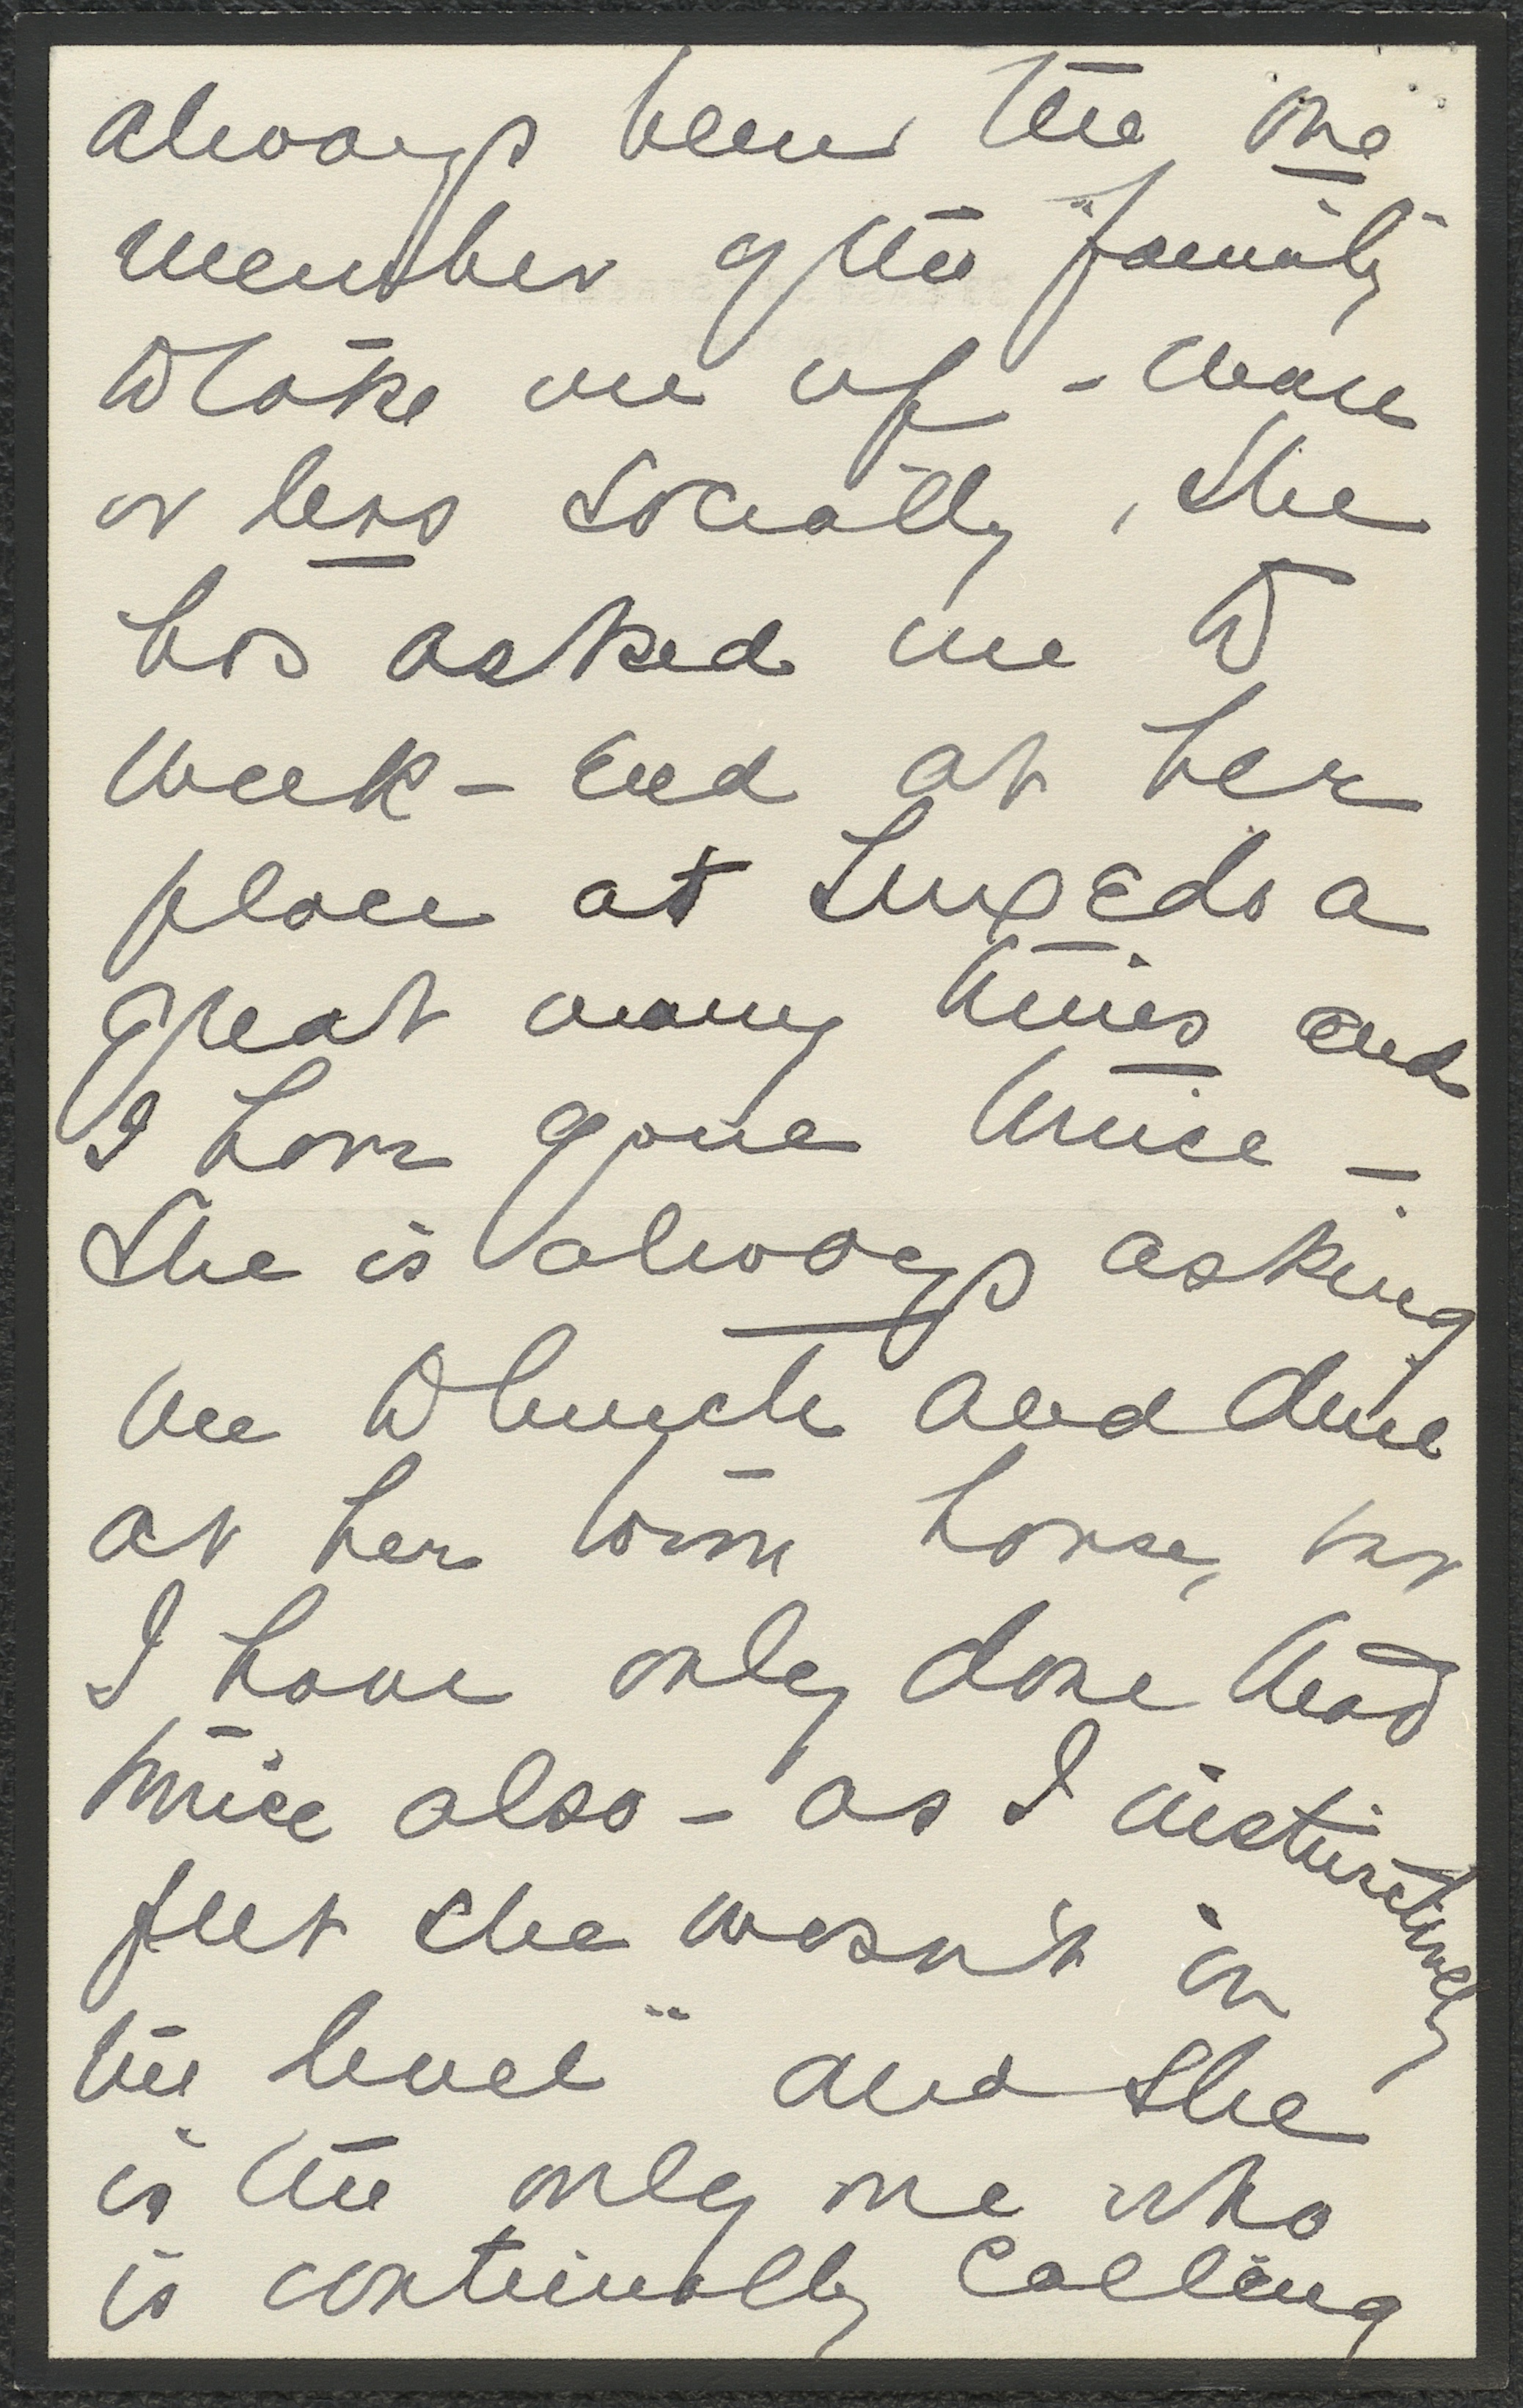always been the one member of the family to take me up – more or less socially, she has asked me to week-end at her place at Tuxedo a great many times and I have gone twice – She is always asking me to lunch and dine at her town house, but I have only done that twice also – as I instinctively felt she wasn’t “on the level” and she is the only one who is continually calling